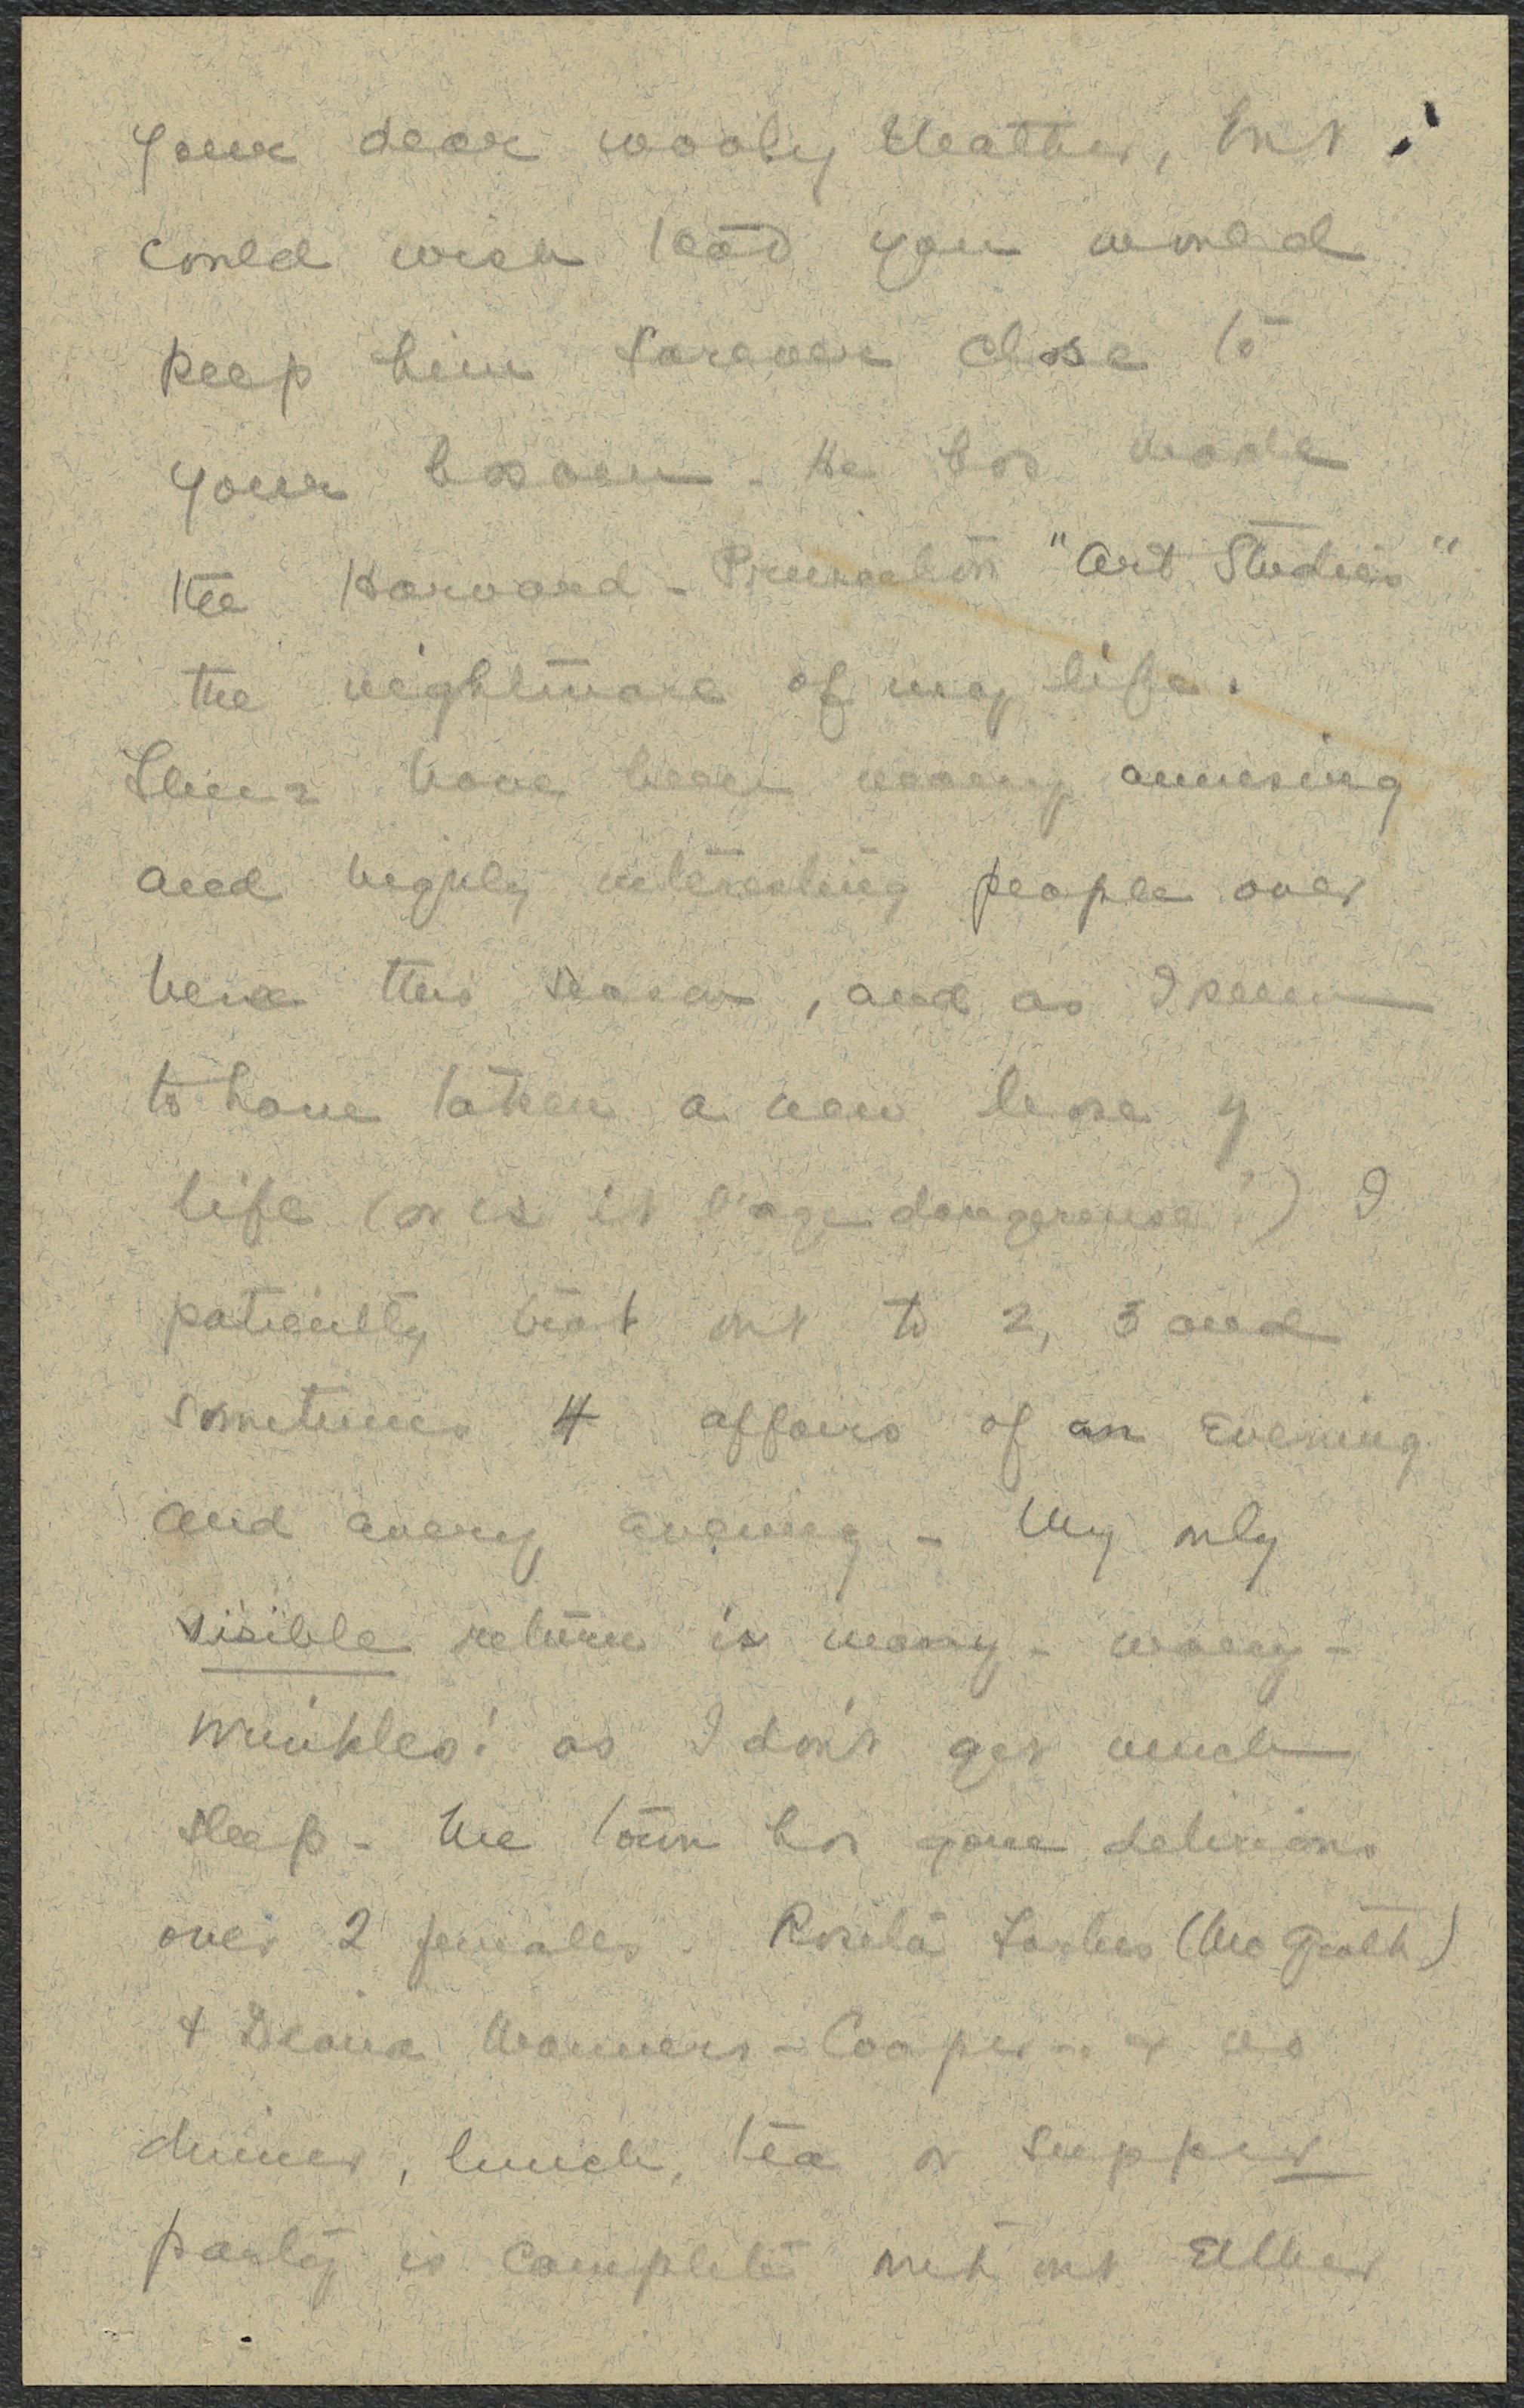your dear wooly Mather, but could wish that you would keep him forever close to your bosom. He has made the Harvard-Princeton "Art Studies" the nightmare of my life.
There have been many amusing and highly interesting people over here this season, and as I seem to have taken a new lease of life (or is it l'age dangereuse?) I patiently trot out to 2, 3 and sometimes 4 affairs of an evening and every evening – My only visible return is many – many wrinkles! as I don't get much sleep – the town has gone delirious over 2 females. Rosita Forbes (McGrath) & Diana Manners-Cooper – & no dinner, lunch, tea or supper party is complete without either